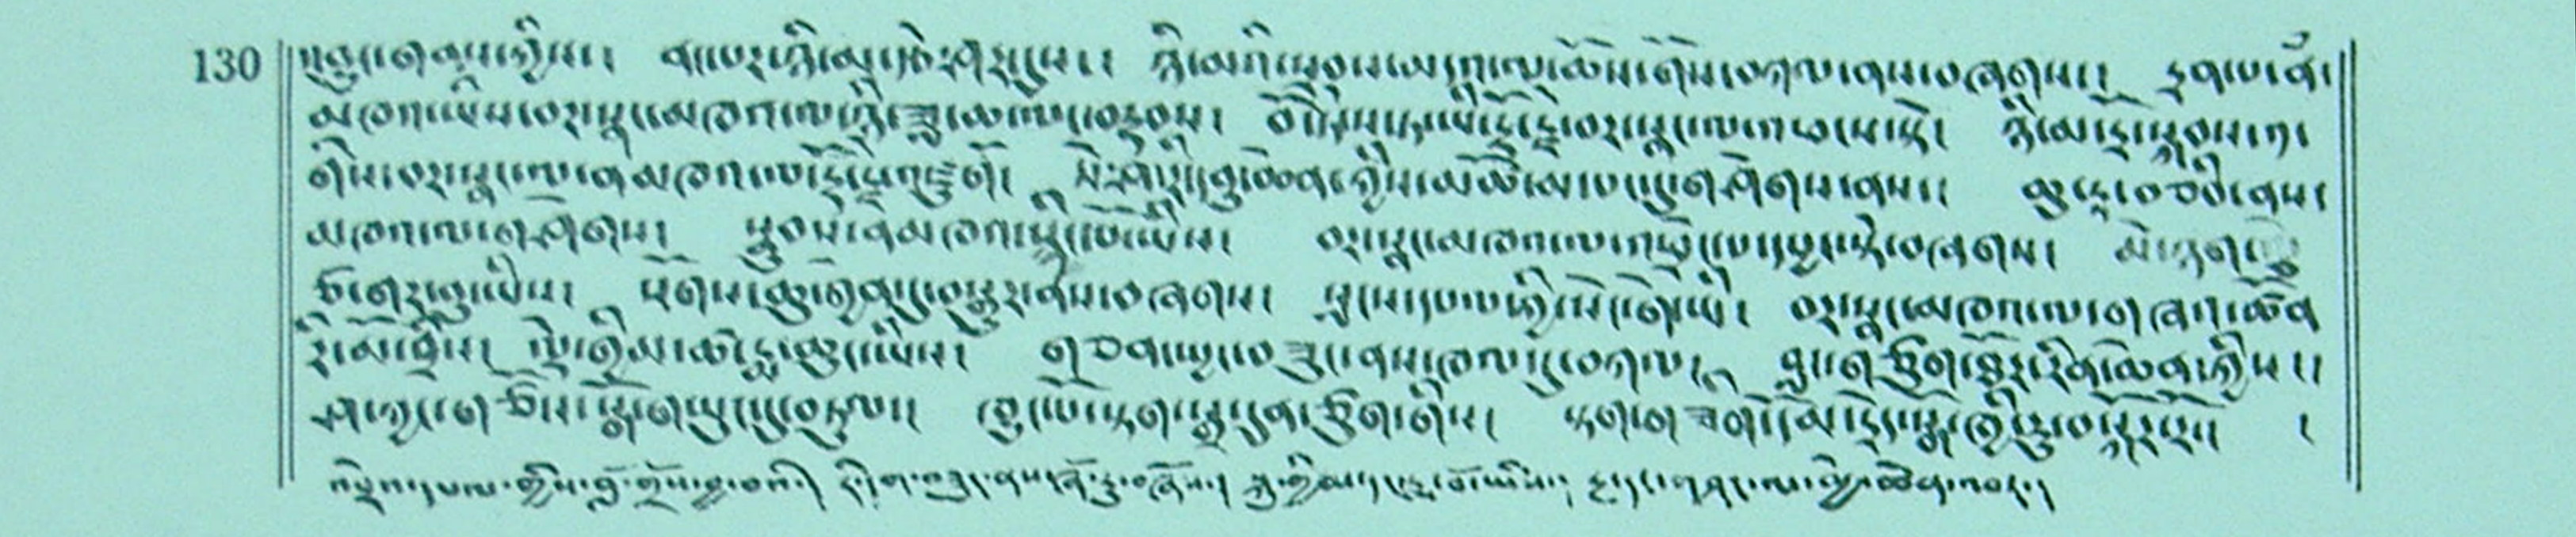འབྱུང་གནས་ཀྱིས། ནང་པར་ཉི་མ་རྩེ་ཤར་དུས། ཉི་མའི་སྲབ་མདའ་ལ་ཆོས་གོས་བཀལ་ནས་བཞགས། དྲན་པ་ནམ་
མཁའ་ཡིས་བར་སྣང་མཁའ་ལ་ཉི་ཟླ་ཆ་ལང་བརྡབས། བོ་ཏེ་ས་ཏ་ཡིས་རྡོ་རྗེ་བར་སྣང་མཁའ་ལ་འཕངས་ཏེ། ཉི་མ་དྲོ་སྐབས་གཅིག་
གི་བར་སྣང་ལ་ནམཁའ་ལ་རྡོ་རྗེ་འཛུག་གོ །སེ་ཤ་རི་དབུ་ཆེན་གྱིས་མཚོ་མ་པང་དུ་གཤེགས་ནས། ཆུ་རྟ་བཅིབས་ནས་
མཁའ་ལ་གཤེགས། སྣུབས་ནམཁའ་སྙིང་པོ་ཡིས། བར་སྣང་མཁའ་ལ་འཕྲེང་བ་དཔྱང་སྟེ་བཞག མེ་ཉག་ལྕེ་
ཚ་ཁར་བུ་ཡིས། སོག་ཆུ་གྱེན་ཏུ་བསྒྱུར་ནས་བཞགས། རླངས་དཔལ་གྱི་སེང་གེ་ཡིས། བར་སྣང་མཁའ་ལ་གཞའ་ཚོན་
རི་མོ་བྲིས། ལྷེ་གྱེམ་ཚ་རྨ་ཆུང་ཡིས། གཅན་སྤྱང་བཟུང་ནས་ཁལ་དུ་འཀལ། འབྲིད་དཔལ་གྱི་བློ་གྲོས་བྱ་བ་ཡིས། རི་དྭགས་བཟུང་ནས་ཞོ་རུ་བཞོས། སྐུ་གྱེམ་དང་རྨ་བོ་ཡིས། རྔ་དང་གཤང་ལ་མྱེ་ཆེན་འབར། བླང་གཙུག་ཐོར་རིན་ཆེན་གྱིས། 
ཤ་རྐྱང་གཙོས་སྒོ་གཡུང་དུ་བཏུལ། ཁྱུང་བོ་སྟག་སྒྲ་དོན་ཙུག་གིས། སྟག་གཟིག་དོམ་དྲེད་སྒོ་ཁྱི་རུ་བསྐོར་རོ།